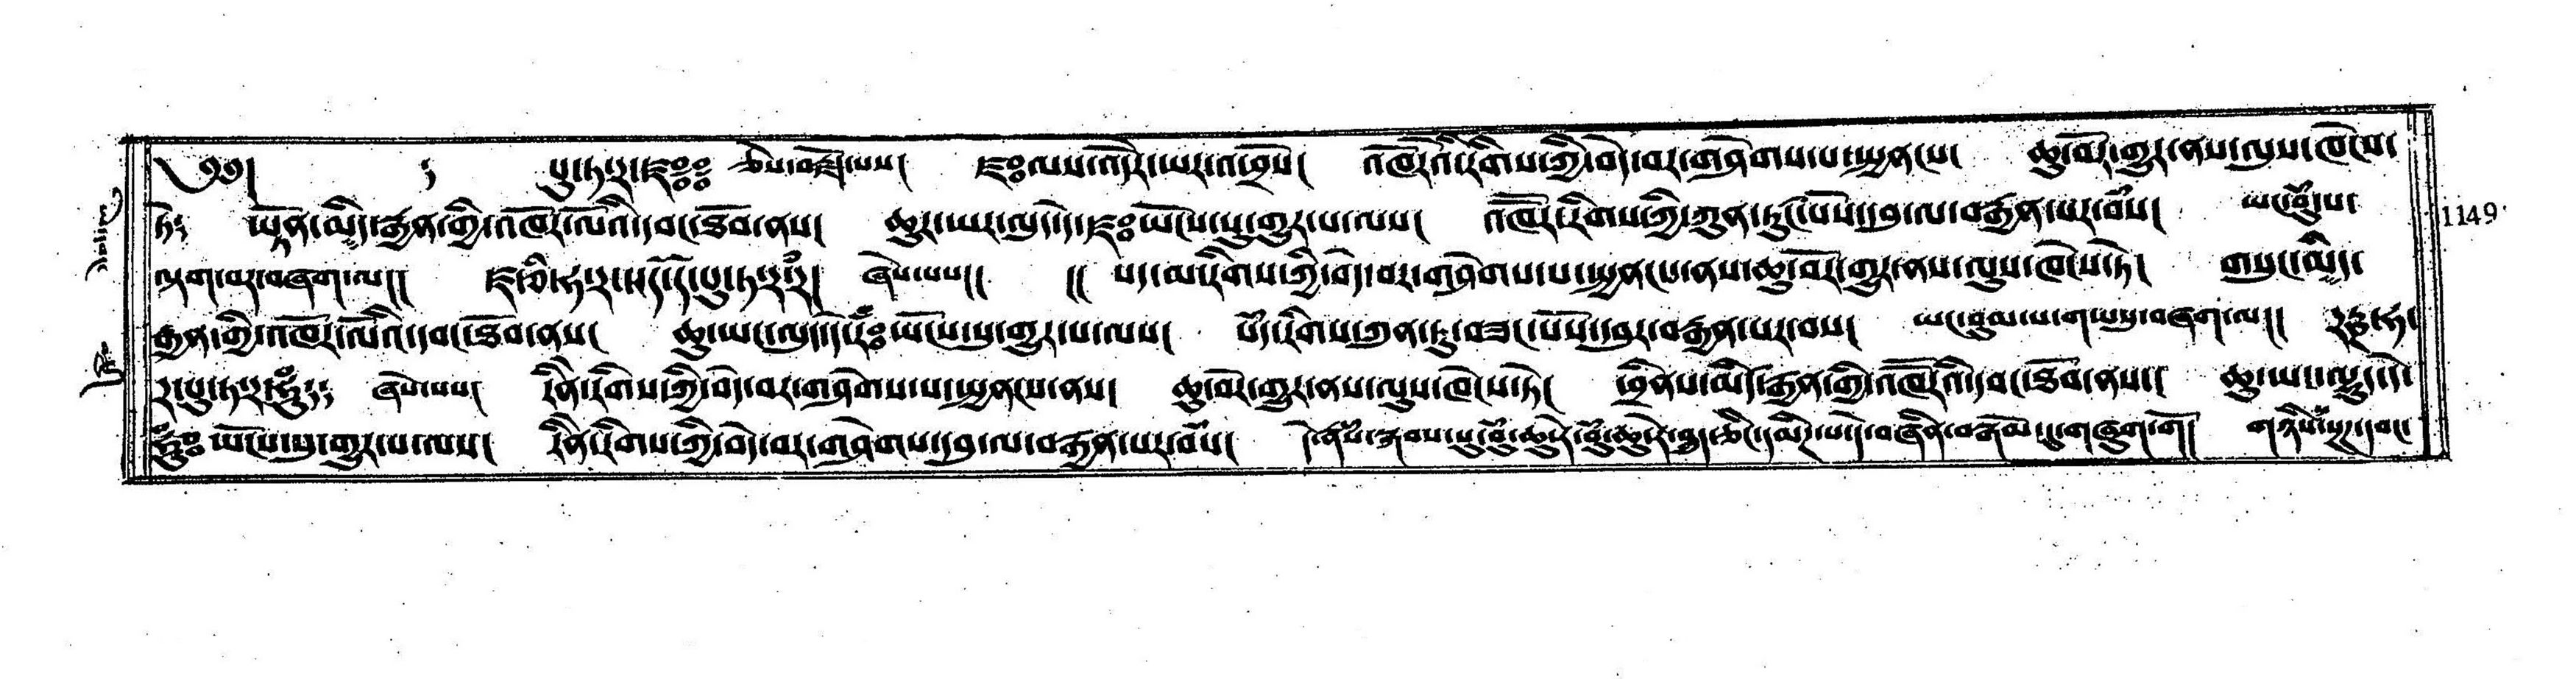པུ་ཏ་ར་ཛ༔༔ ཅེས་བརྗོད་པས། ཛཿལས་འོད་ཟེར་ཡར་འཕྲོས། འཁོར་ལོའི་རིགས་ཀྱི་བདེ་བར་གཤེགས་པ་སྤྱན་དྲངས། ཆུ་བོར་གྱུར་ནས་ལུས་ཁེངས་
ཏེ། ཡོན་ཏན་མི་ཟད་རྒྱན་གྱི་འཁོར་ལོའི་དབང་ཐོབ་ནས། ཆུར་ཡར་ལུད་དེ་ཛཿཡོངས་སུ་གྱུར་པ་ལས། འཁོར་ལོ་རིགས་ཀྱི་ཀུན་ཏུ་བཟང་པོས་དབུ་ལ་བརྒྱན་པར་བསམ། ཡང་བུམ་པ་
ལྟག་བར་བཞག་ལ།། ཛ་ཅི་ཧ་ར་སད་དོ་པུ་ཏ་ར་རཾ། ཞེས་པས།། །།པད་མ་རིགས་ཀྱི་བདེ་བར་གཤེགས་པ་སྤྱན་དྲངས་ནས་ཆུ་བོར་གྱུར་ནས་ལུས་ཁེངས་ཏེ། གསུང་མི་
ཟད་རྒྱན་གྱི་འཁོར་ལོའི་དབང་ཐོབ་ནས། ཆུ་ཡང་ལུད་དེ་རྃཿཡོངས་སུ་གྱུར་པ་ལས། པད་མ་རིགས་ཀུན་ཏུ་བཟང་པོས་དབུར་བརྒྱན་པར་བསམ། ཡང་བུམ་པ་གཡས་སུ་བཞག་ལ།། རཏྞ་ཧ་
ར་པུ་ཏ་ར་ཧཱུྃ།། ཞེས་པས། རིན་ཆེན་རིགས་ཀྱི་བདེ་བར་གཤེགས་པ་སྤྱན་དྲངས་ནས། ཆུ་བོར་གྱུར་ནས་ལུས་ཁེངས་ཏེ། ཕྲིན་ལས་མི་ཟད་རྒྱན་གྱི་འཁོར་ལོའི་དབང་ཐོབ་ནས། ཆུ་ཡང་ལྷུད་དེ་
ཧཱུྃཿཡོངས་སུ་གྱུར་པ་ལས། རིན་ཆེན་རིགས་ཀྱི་བདེ་བར་གཤེགས་པ་དབུ་ལ་བརྒྱན་པར་བསམ། དེ་རྣམས་སྐབས་སུ་བུམ་ཆུ་རེ་བླུད་ཅིང་དམིགས་པ་དེ་བཞིན་བསྒོམ་དུ་གཞུག་གོ །གཉིས་སྔགས་དབང་